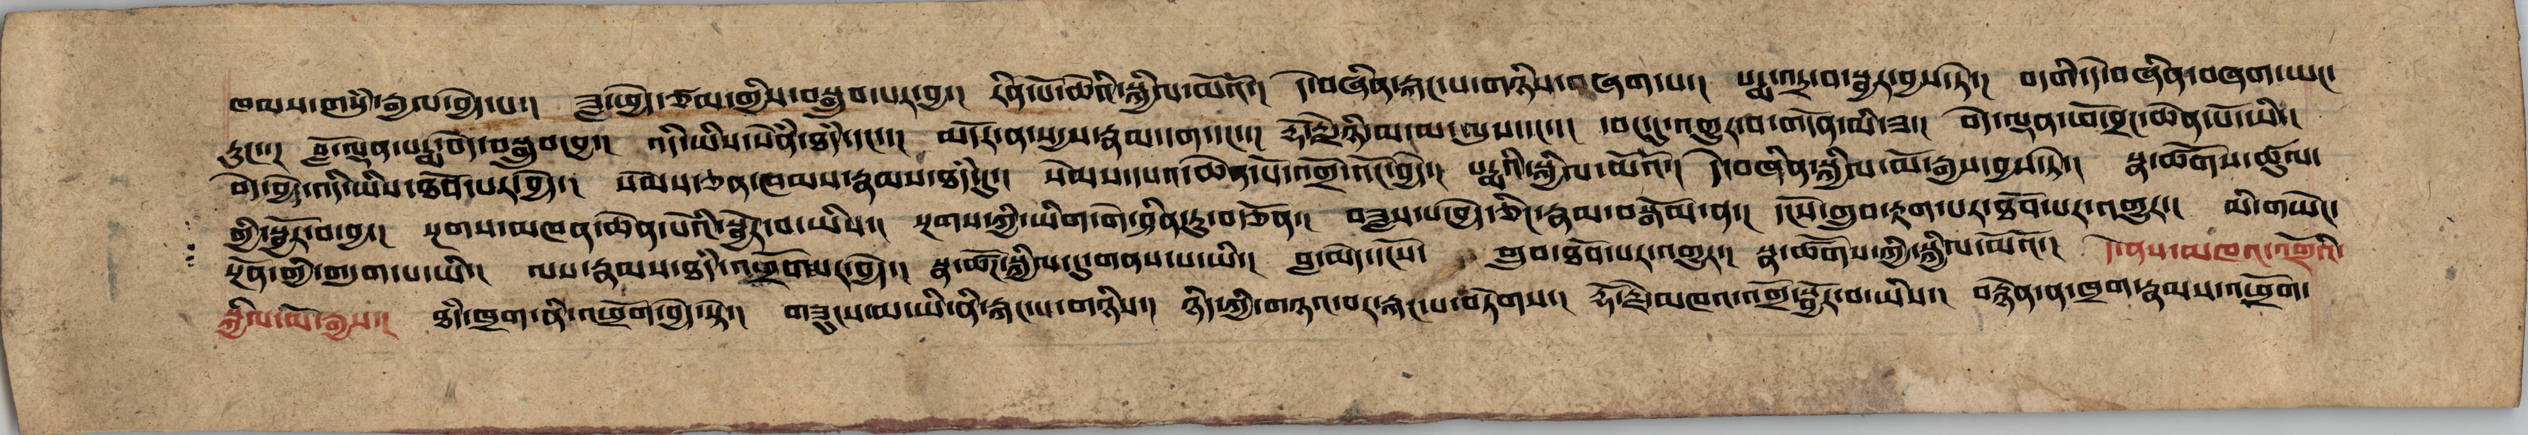ཁམས་གསུམ་རྒྱལ་བྱེད་པ་། ཟླ་ཕྱེད་ཙམ་གྱིས་བསྒྲུབ་པར་བྱ་། རིན་པོ་ཆེའི་སྐྱིལ་མོའོ་། དེ་བཞིན་རྐང་པ་གཉིས་བཞག་པ་། པདྨ་འདྲ་བ་སྦྱར་བྱས་ཏེ་། བདགི་དེ་བཞིན་བཞག་ཡང་
རུང་་། བློ་ལྡན་པདྨ་བདེ་བསྒྲུབ་བྱ་། འདི་ཡིས་སེཾན་ཐཾད་དང་་། མདོར་ན་སདྱས་རྣམ་དག་དང་་། རྡོ་རྗེ་ཉི་མ་མངལ་ལུས་དང་་། དབང་དུ་འགྱུར་བ་གདོན་མི་ཟ་། བདེ་ལྡན་ཕོ་བྲང་ཆེན་པོ་ཡི་།
བདེ་བྱེད་འདི་ཡིས་ཐོབ་པར་བྱེད་། སེམས་ཅན་ཁམས་རྣམས་ཐཾད་དུ་། སེམས་དཔའ་ཆེན་པོ་འགྲོ་འོང་བྱེད་། པདྨའི་སྐྱིལ་མོའོ་། དེ་བཞིན་སྐྱིལ་མོ་རྒྱས་བྱས་ཏེ་། སྣ་ཚོགས་ཚུལ་
གྱི་སྦྱོར་བ་བྱ་། སྔགས་མཁན་ཆེན་པོའི་སྦྱོར་བ་ཡིས་། སྔགས་ཀྱི་ཡིག་གེ་ཤིན་ཏུ་བརྩོན་། བཟླས་པ་བྱེད་ཅིང་རྣམ་བསྒོམ་ན་། དངོས་གྲུབ་རྟག་པར་ཐོབ་པར་འགྱུར་། མི་གཡེང་
སྔོན་གྱི་གདུག་པ་ཡི་། ལས་རྣམས་ཐཾད་འགྲོས་པར་བྱེད་། སྣ་ཚོཌ་སྐྱིལ་དུ་གནས་པ་ཡི་། བླ་མེད་དངོས་ གྲུབ་ཐོབ་པར་འགྱུར་། སྣ་ཚོགས་ཀྱི་སྐྱིལ་མོའོ་། དེ་ནས་མཁའ་འགྲོའི་
སྐྱིལ་མོ་རྒྱས་། ཐཾད་ཁྲག་ནི་འཕྲོག་བྱེད་སྟེ་། གཟུངས་མ་ཡི་ནི་རྐང་པ་གཉིས་། ཉིད་ཀྱི་གཉའ་བར་རྐང་པ་བཏེགས་། རྡོ་རྗེ་མཁའ་འགྲོ་སྦྱོར་བ་ཡིས་། བརྙེན་ན་ཁྲག་རྣམས་འཕྲོག་